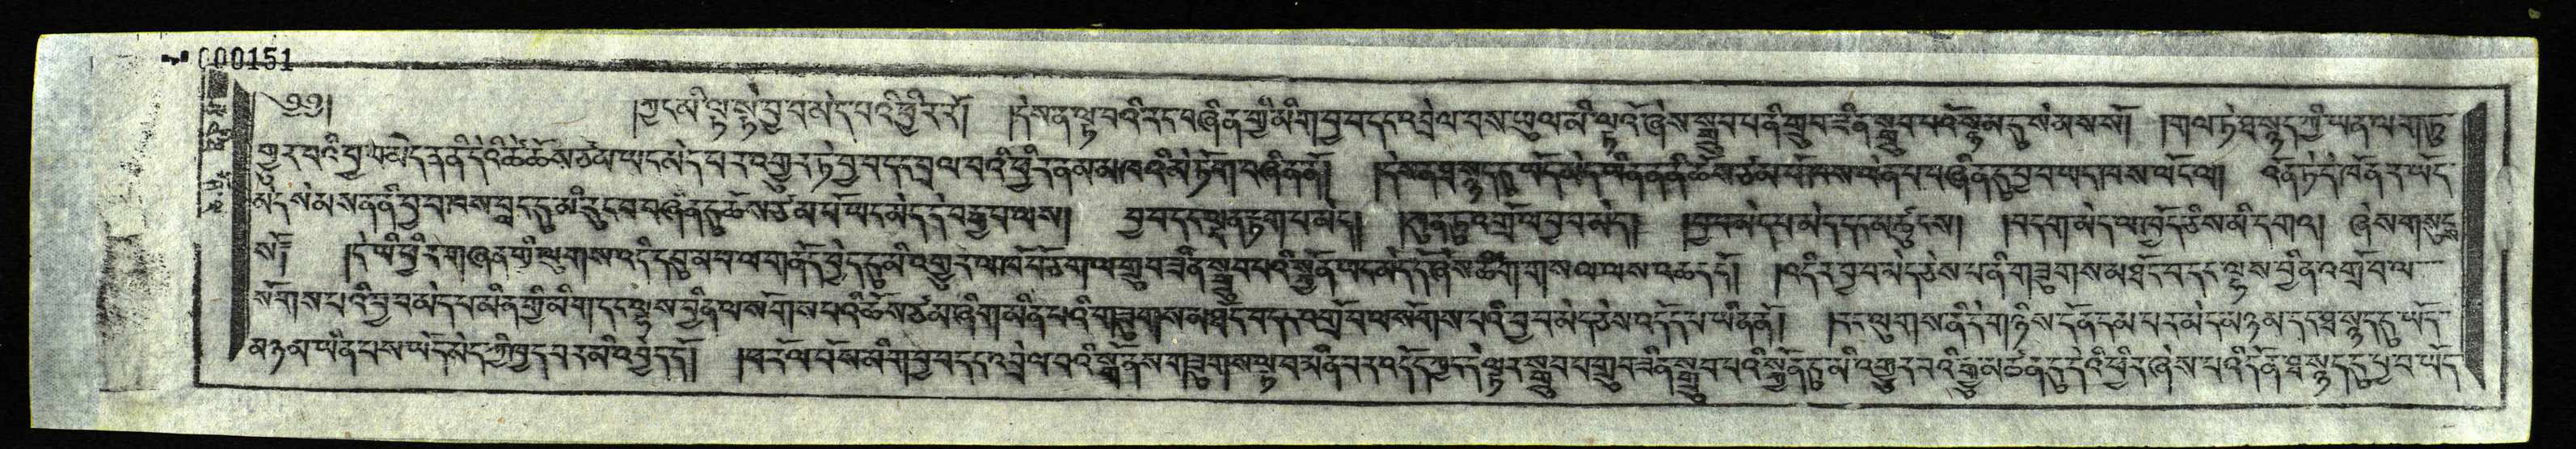༄༅། །ཀྱང་མི་ལྟ་སྟེ་བྱ་བ་མེད་པའི་ཕྱིར་རོ། །དེས་ན་ལྟ་བའི་རང་བཞིན་གྱི་མིག་བྱ་བ་དང་འབྲེལ་བས་ཡུལ་མི་ལྟའོ་ཞེས་སྒྲུབ་པ་ནི་གྲུབ་ཟིན་སྒྲུབ་པའོ་སྙམ་དུ་སེམས་སོ། །གལ་ཏེ་ཐ་སྙད་ཀྱི་ཡན་ལག་ཏུ་
གྱུར་བའི་བྱ་བ་མེད་ན་ནི་དེའི་ཚེ་ཆོས་ཙམ་ཡང་མེད་པར་འགྱུར་ཏེ་བྱ་བ་དང་བྲལ་བའི་ཕྱིར་ནམ་མཁའི་མེ་ཏོག་བཞིན་ནོ། །དེས་ན་ཐ་སྙད་དུ་ཡོད་མེད་ཡིན་ན་ནི་ཆོས་ཙམ་པོ་ཁས་ལེན་པ་བཞིན་དུ་བྱ་བ་ཡང་ཁས་ལོང་ལ། འོན་ཏེ་དེ་ཁོ་ནར་ཡོད་
མེད་སེམས་ན་ནི་བྱ་བ་ཁས་བླང་དུ་མི་རུང་བ་བཞིན་དུ་ཆོས་ཙམ་པོ་ཡང་མེད་དེ་བརྒྱ་བ་ལས། བྱ་བ་དང་ལྡན་རྟག་པ་མེད། །ཀུན་ཏུ་འགྲོ་ལ་བྱ་བ་མེད། །བྱ་བ་མེད་པ་མེད་དང་མཚུངས། །བདག་མེད་ལ་ཁྱོད་ཅིས་མི་དགའ། ཞེས་གསུངས་
སོ༑ །དེ་ཡི་ཕྱིར་གཞན་གྱི་ལུགས་འདི་དབུ་མ་པ་ལ་གནོད་བྱེད་དུ་མི་འགྱུར་ལ་ཁོ་བོ་ཅག་ལ་གྲུབ་ཟིན་སྒྲུབ་པའི་སྐྱོན་ཡང་མེད་དོ་ཞེས་ཚིག་གསལ་ལས་འཆད་དོ། །འདིར་བྱ་བ་མེད་ཅེས་པ་ནི་གཟུགས་མཐོང་བ་དང་ལྷས་བྱིན་འགྲོ་བ་ལ་
སོགས་པའི་བྱ་བ་མེད་པ་མིན་གྱི་མིག་དང་ལྷས་བྱིན་ལ་སོགས་པའི་ཆོས་ཙམ་ཞིག་མིན་པའི་གཟུགས་མཐོང་བ་དང་འགྲོ་བ་ལ་སོགས་པའི་བྱ་བ་མེད་ཅེས་འདོད་པ་ཡིན་ནོ། །རང་ལུགས་ནི་དེ་གཉིས་དོན་དམ་པར་མེད་མཉམ་དང་ཐ་སྙད་དུ་ཡོད་
མཉམ་ཡིན་པས་ཡོད་མེད་ཀྱི་ཁྱད་པར་མི་འབྱེད་དོ། །ཕ་རོལ་བོས་མིག་བྱ་བ་དང་འབྲེལ་བའི་སྒོ་ནས་གཟུགས་ལྟ་བ་མིན་པར་འདོད་ཀྱང་དེ་ལྟར་སྒྲུབ་པ་གྲུབ་ཟིན་སྒྲུབ་པའི་སྐྱོན་ཏུ་མི་འགྱུར་བའི་རྒྱུ་མཚན་དུ་དེའི་ཕྱིར་ཞེས་པའི་དོན་ཐ་སྙད་དུ་བྱ་བ་ཡོད་